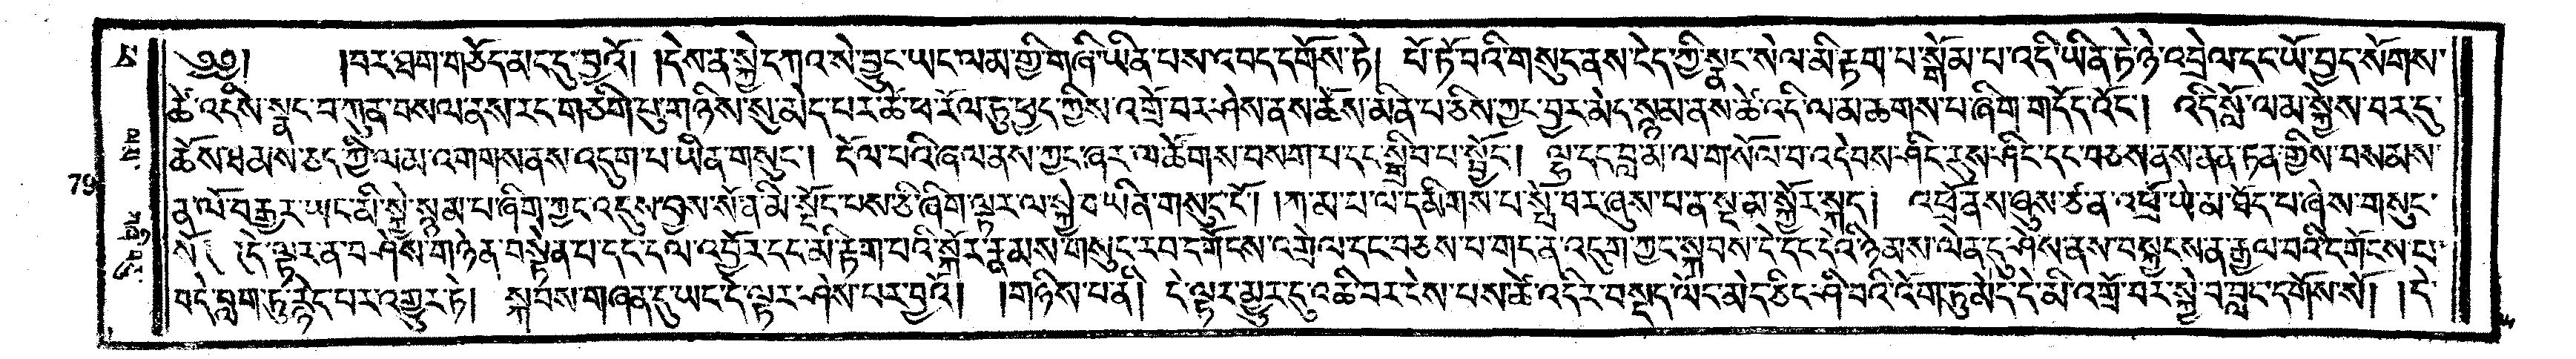༄༅། །བར་ཐག་གཅོད་མང་དུ་བྱའོ། །དེས་ན་སྐྱེ་དཀའ་སེ་བྱུང་ཡང་ལམ་གྱི་གཞི་ཡིན་པས་འབད་དགོས་ཏེ། པོ་ཏོ་བའི་གསུང་ནས་ངེད་ཀྱི་སྣང་སེལ་མི་རྟག་པ་སྒོམ་པ་འདི་ཡིན་ཏེ་ཉེ་འབྲེལ་དང་ཡོ་བྱད་སོགས་
ཚེ་འདིས་སྣང་བ་ཀུན་བསལ་ནས་རང་གཅིག་པུ་གཉིས་སུ་མེད་པར་ཚེ་ཕ་རོལ་ཏུ་ཕྱད་ཀྱིས་འགྲོ་བར་ཤེས་ནས་ཆོས་མིན་པ་ཅིས་ཀྱང་བྱར་མེད་སྙམ་ནས་ཚེ་འདི་ལ་མ་ཆགས་པ་ཞིག་གདོད་འོང་། འདི་སློ་ལམ་སྐྱེས་བར་དུ་
ཆོས་ཐམས་ཅད་ཀྱི་ལམ་འགགས་ནས་འདུག་པ་ཡིན་གསུང་། དོལ་བའི་ཞལ་ནས་ཀྱང་ཞར་ལ་ཚོགས་བསག་པ་དང་སྒྲིབ་པ་སྦྱོང་། ལྷ་དང་བླ་མ་ལ་གསོལ་བ་འདེབས་ཤིང་རུས་ཤིང་དང་བཅས་ནས་ནན་ཏན་གྱིས་བསམས་
ན་ལོ་བརྒྱར་ཡང་མི་སྐྱེ་སྙམ་པ་ཞིག་ཀྱང་འདུས་བྱས་སོ་ན་མི་སྡོང་པས་ཅི་ཞིག་ལྟར་ལ་སྐྱེ་བ་ཡིན་གསུང་ངོ། །ཀ་མ་པ་ལ་དམིགས་པ་སྤོ་བར་ཞུས་པ་ན་སྔ་མ་སྐྱོར་སྐད། འཕྲོ་ནས་ཞུས་ཙ་ན་འཕྲོ་ཡེ་མ་ཐོད་པ་ཞེས་གསུང་
སོ༑ ༑དེ་ལྟར་ན་བཤེས་གཉེན་བསྟེན་པ་དང་དལ་འབྱོར་དང་མི་རྟག་པའི་སྐོར་རྣམས་གསུང་རབ་དགོངས་འགྲེལ་དང་བཅས་པ་གང་ན་འདུག་ཀྱང་སྐབས་དེ་དང་དེའི་ཉམས་ལེན་དུ་ཤེས་ནས་བསྐྱངས་ན་རྒྱལ་བའི་དགོངས་པ་
བདེ་བླག་ཏུ་རྙེད་པར་འགྱུར་ཏེ། སྐབས་གཞན་དུ་ཡང་དེ་ལྟར་ཤེས་པར་བྱའོ། །གཉིས་པ་ནི། དེ་ལྟར་མྱུར་དུ་འཆི་བར་ངེས་པས་ཚེ་འདིར་བསྡད་ལོང་མེད་ཅིང་ཤི་བའི་འོག་ཏུ་མེད་དེ་མི་འགྲོ་བར་སྐྱེ་བ་བླང་དགོས་སོ། །དེ་